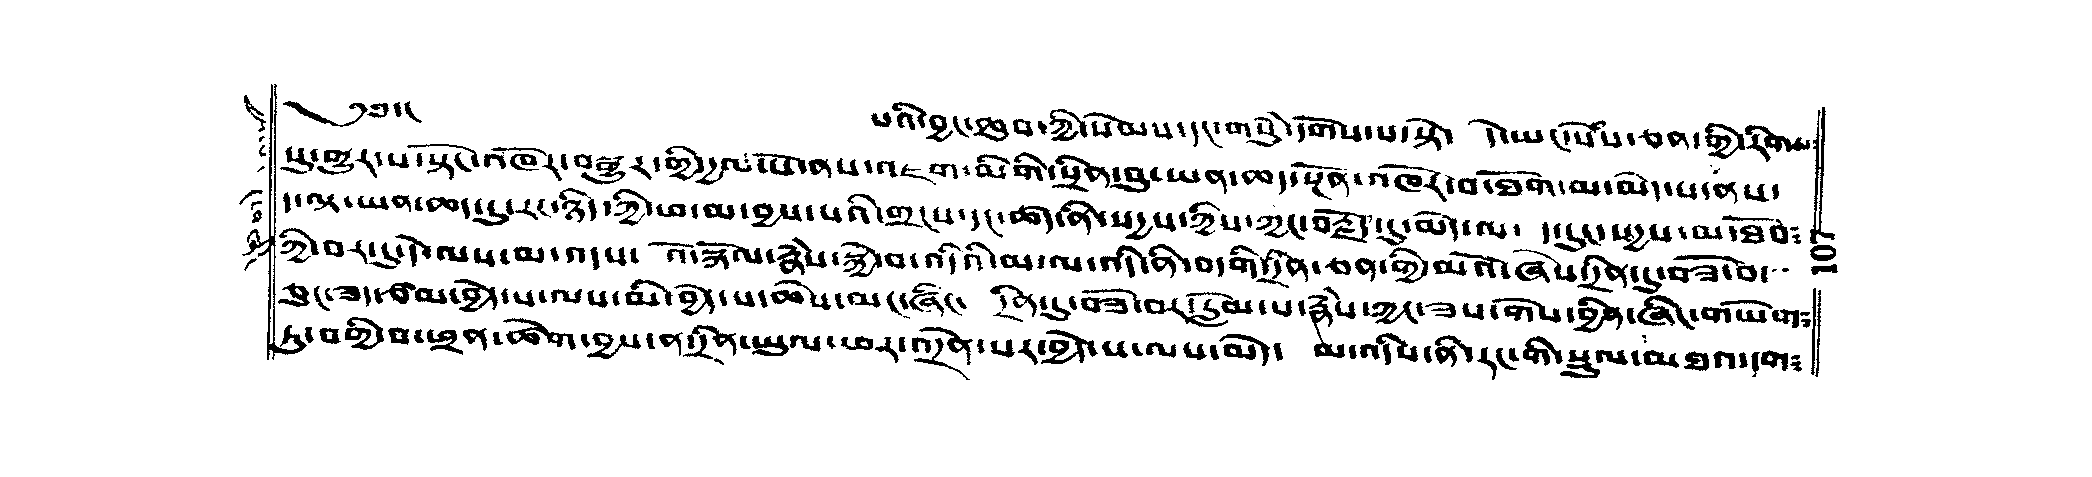པའི་བྱང་ཆུབ་ཀྱི་སེམས་དང་གསུམ་དགོས་པ་སྟེ། དེ་ཡང་སེམས་ཅན་གྱི་རིགས་
སུ་གྱུར་པ་སྟོང་འཁོར་བསྒྱུར་གྱི་རྒྱལ་པོ་ནས་འཇག་མིག་གི་སྲིན་བུ་ཡན་ཆད་སྔོན་འཁོར་བ་ཐོག་མ་མེད་པ་ནས་
ད་ལྟ་ཡན་ཆད་དུ་རང་ཉིད་ཀྱི་ཕ་མ་བྱས་པའི་གྲངས་དང་ཚད་ནི་སངས་རྒྱས་ཀྱིས་ཀྱང་བརྗོད་དུ་མེད་ལ། ད་དུང་སངས་རྒྱས་མ་ཐོབ་
ཀྱི་བར་དུ་དེ་ལས་མ་འདས། འོ་སྐོལ་རྣམས་སྐྱེ་བ་འདིའི་མ་ལ་འདི་ནི་བདག་གི་དྲིན་ཅན་གྱི་མའོ་ཞེས་དྲིན་དུ་བཟོ་བ་
ཅུང་ཟད་ཙམ་བྱེད་པ་ལས་མི་བྱེད་པ་ཆེས་མང་ཞིང་། དྲིན་དུ་བཟོ་བར་རློམ་པ་རྣམས་ཀྱང་ཟས་དགོས་བྱིན་ཞིང་གཡོག་
ཏུ་བགྱི་བ་ཕྲན་ཚེག་བྱས་ན་དྲིན་ཡུལ་ཕར་འདྲེན་པར་བྱེད་པ་ལས་མེད། མ་འདིས་ནི་རང་གི་སྡུག་བསྔལ་མཐའ་དག་